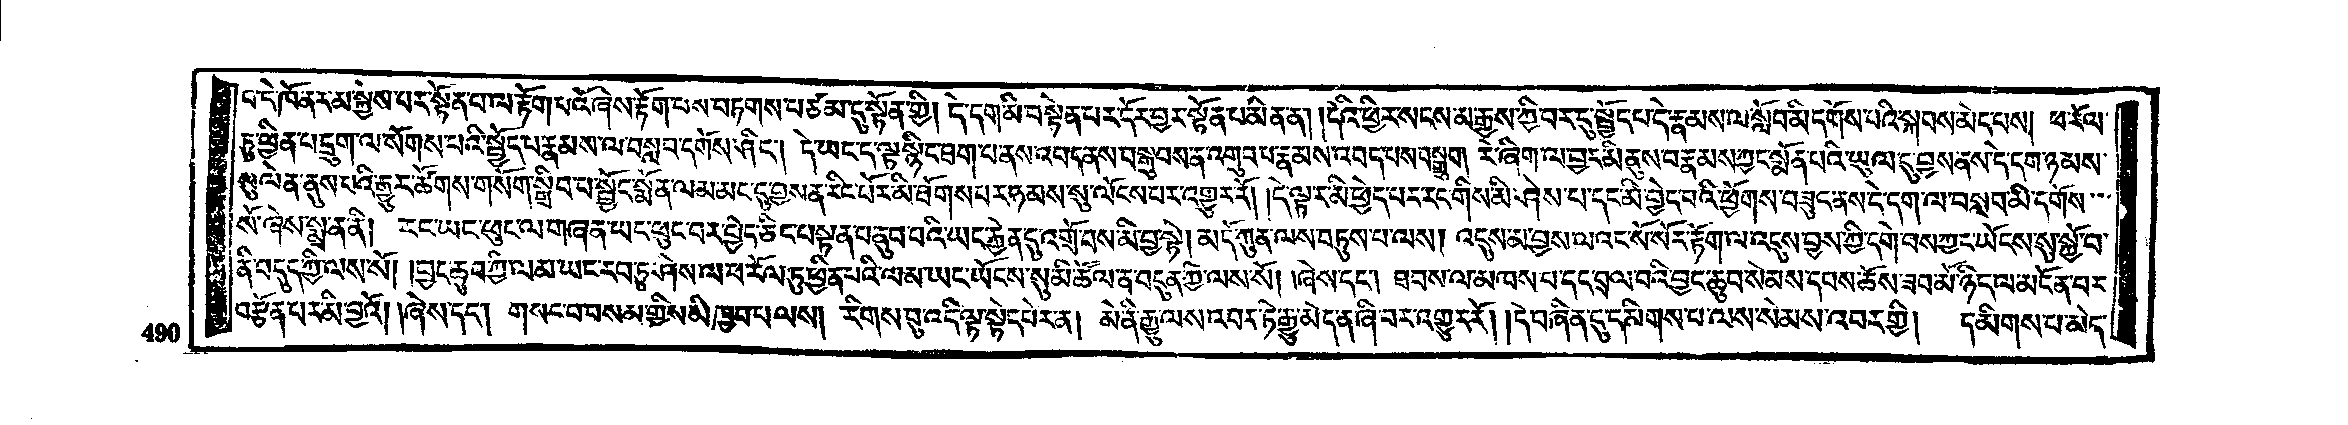པ་དེ་ཁོ་ནར་མ་སྐྱེས་པར་སྟོན་པ་ལ་རྟོག་པའོ་ཞེས་རྟོག་པས་བཏགས་པ་ཙམ་དུ་སྟོན་གྱི། དེ་དག་མི་བསྟེན་པར་དོར་བྱར་སྟོན་པ་མིན་ནོ། །དེའི་ཕྱིར་སངས་མ་རྒྱས་ཀྱི་བར་དུ་སྤྱོད་པ་དེ་རྣམས་ལ་སློབ་མི་དགོས་པའི་སྐབས་མེད་པས། ཕ་རོལ་
ཏུ་ཕྱིན་པ་དྲུག་ལ་སོགས་པའི་སྤྱོད་པ་རྣམས་ལ་བསླབ་དགོས་ཤིང་། དེ་ཡང་ད་ལྟ་སྙིང་ཐག་པ་ནས་འབད་ནས་བསྒྲུབས་ན་འགྲུབ་པ་རྣམས་འབད་པས་བསྒྲུབ། རེ་ཞིག་ལ་བྱར་མི་ནུས་པ་རྣམས་ཀྱང་སྨོན་པའི་ཡུལ་དུ་བྱས་ནས་དེ་དག་ཉམས་
སུ་ལེན་ནུས་པའི་རྒྱུར་ཚོགས་གསོག་སྒྲིབ་པ་སྦྱོང་སྨོན་ལམ་མང་དུ་བྱས་ན་རིང་པོར་མི་ཐོགས་པར་ཉམས་སུ་ལོངས་པར་འགྱུར་རོ། །དེ་ལྟར་མི་བྱེད་པར་རང་གིས་མི་ཤེས་པ་དང་མི་བྱེད་པའི་ཕྱོགས་བཟུང་ནས་དེ་དག་ལ་བསླབ་མི་དགོས་
སོ་ཞེས་སྨྲ་ན་ནི། རང་ཡང་ཕུང་ལ་གཞན་ཡང་ཕུང་བར་བྱེད་ཅིང་བསྟན་པ་ནུབ་པའི་ཡང་རྐྱེན་དུ་འགྲོ་བས་མི་བྱ་སྟེ། མདོ་ཀུན་ལས་བཏུས་པ་ལས། འདུས་མ་བྱས་ལའང་སོ་སོར་རྟོག་ལ་འདུས་བྱས་ཀྱི་དགེ་བས་ཀྱང་ཡོངས་སུ་སྐྱོ་བ་
ནི་བདུད་ཀྱི་ལས་སོ། །བྱང་ཆུབ་ཀྱི་ལམ་ཡང་རབ་ཏུ་ཤེས་ལ་ཕ་རོལ་ཏུ་ཕྱིན་པའི་ལམ་ཡང་ཡོངས་སུ་མི་ཚོལ་ན་བདུད་ཀྱི་ལས་སོ། །ཞེས་དང་། ཐབས་ལ་མཁས་པ་དང་བྲལ་བའི་བྱང་ཆུབ་སེམས་དཔས་ཆོས་ཟབ་མོ་ཉིད་ལ་མངོན་པར་
བརྩོན་པར་མི་བྱའོ། །ཞེས་དང་། གསང་བ་བསམ་གྱིས་མི་ཁྱབ་པ་ལས། རིགས་བུ་འདི་ལྟ་སྟེ་དཔེར་ན། མེ་ནི་རྒྱུ་ལས་འབར་ཏེ་རྒྱུ་མེད་ན་ཞི་བར་འགྱུར་རོ། །དེ་བཞིན་དུ་དམིགས་པ་ལས་སེམས་འབར་གྱི། དམིགས་པ་མེད་